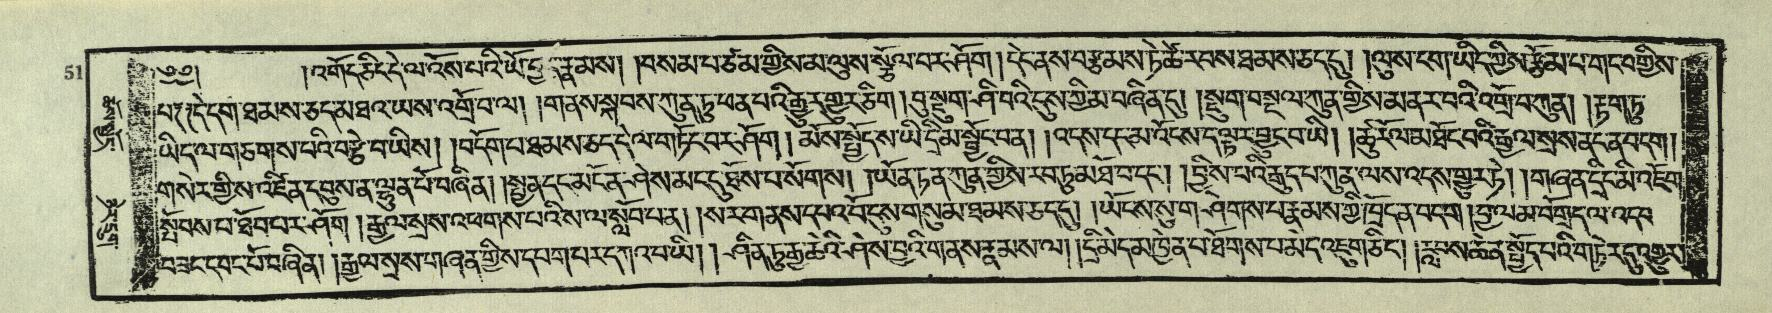༄༅། །འགོད་ཅིང་དེ་ལ་འོས་པའི་ཡོ་བྱད་རྣམས། །བསམ་པ་ཙམ་གྱིས་མ་ལུས་སྩོལ་བར་ཤོག །དེང་ནས་བརྩམས་ཏེ་ཚེ་རབས་ཐམས་ཅད་དུ། །ལུས་ངག་ཡིད་ཀྱིས་རྩོམ་པ་གང་བགྱིས་
པ༑ ༑དེ་དག་ཐམས་ཅད་མཐའ་ཡས་འགྲོ་བ་ལ། །གནས་སྐབས་ཀུན་ཏུ་ཕན་པའི་རྒྱུར་གྱུར་ཅིག །བུ་སྡུག་ཤི་བའི་དུས་ཀྱི་མ་བཞིན་དུ། །སྡུག་བསྔལ་ཀུན་གྱིས་མནར་བའི་འགྲོ་བ་ཀུན། །རྟག་ཏུ་
ཡིད་ལ་གཅགས་པའི་བརྩེ་བ་ཡིས། །བདོག་པ་ཐམས་ཅད་དེ་ལ་གཏོང་བར་ཤོག །མོས་སྤྱོད་ས་ཡི་དྲི་མ་སྦྱོང་བ་ན། །འདས་དང་མ་འོངས་ད་ལྟར་བྱུང་བ་ཡི། །ཚུ་རོལ་མཐོང་བའི་རྒྱལ་སྲས་ནང་ན་བདག །
གསེར་གྱིས་འཛིན་དབུས་ན་ལྷུན་པོ་བཞིན། །སྤྱན་དང་མངོན་ཤེས་མང་དུ་ཐོས་པ་སོགས། །ཡོན་ཏན་ཀུན་གྱིས་རབ་ཏུ་མཐོ་བ་དང་། །བྱིས་པའི་རྒུད་པ་ཀུན་ལས་འདས་གྱུར་ཏེ། །གཞན་དྲིང་མི་འཇོག་
སྤོབས་པ་ཐོབ་པར་ཤོག །རྒྱལ་སྲས་འཕགས་པའི་ས་ལ་སློབ་པ་ན། །སར་གནས་དཔའ་བོ་དུས་གསུམ་ཐམས་ཅད་དུ། །ཡོངས་སུ་གཤེགས་པ་རྣམས་ཀྱི་ཁྲོད་ན་བདག །བྱ་ལམ་བགྲོད་ལ་འདབ་
བཟང་དབང་པོ་བཞིན། །རྒྱལ་སྲས་གཞན་གྱིས་དཔག་པར་དཀའ་བ་ཡི། །ཤིན་ཏུ་རྒྱ་ཆེའི་ཤེས་བྱའི་གནས་རྣམས་ལ། །དྲི་མེད་མཁྱེན་པ་ཐོགས་པ་མེད་འཇུག་ཅིང་། །རླབས་ཆེན་སྤྱོད་པའི་གཏེར་དུ་འགྱུར་